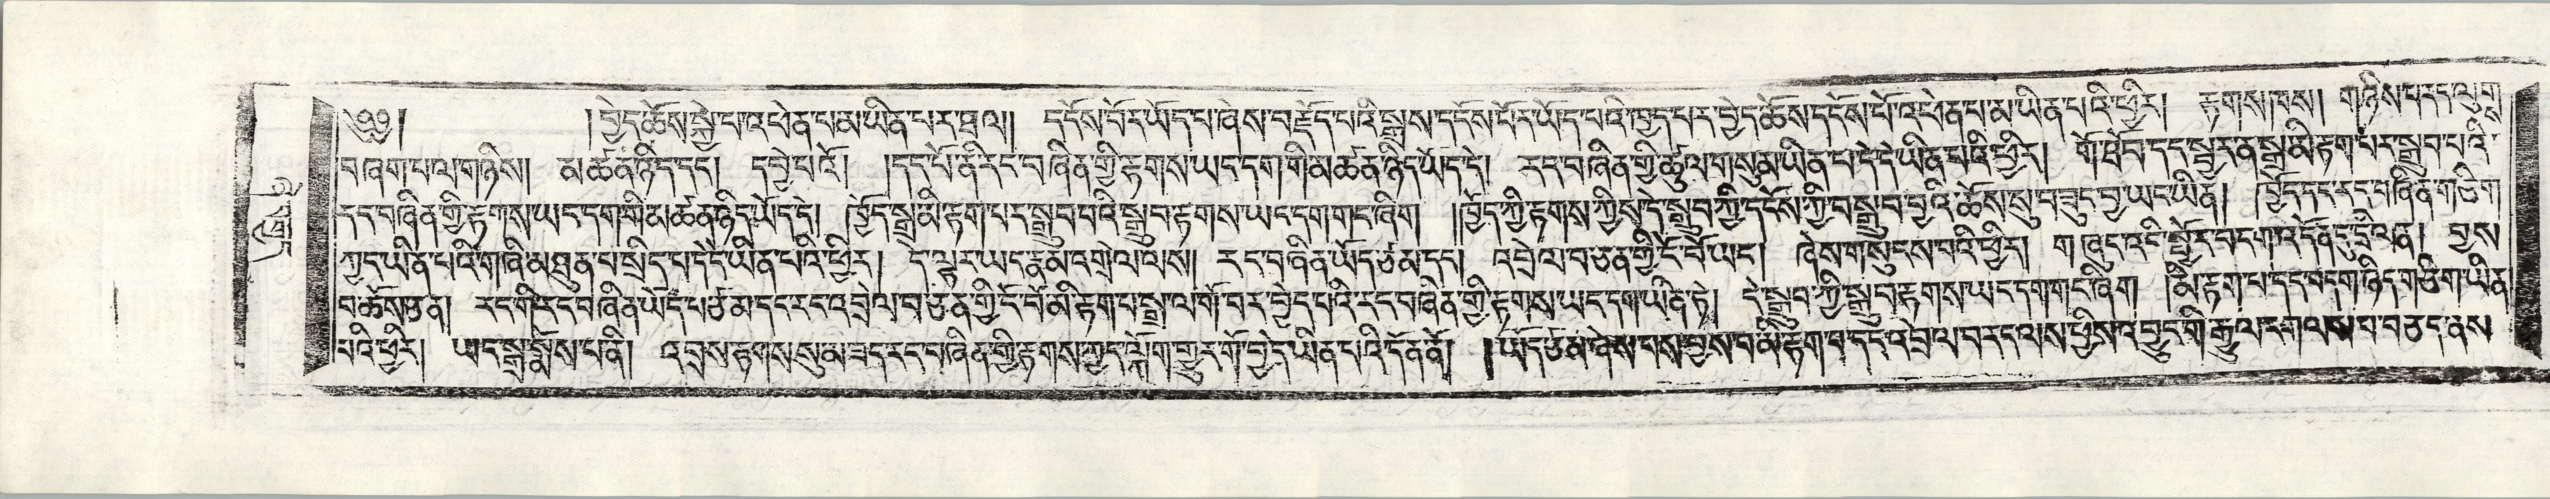༄༅། །བྱེད་ཆོས་སྐྱེ་བ་འཕེན་པ་མ་ཡིན་པར་ཐལ། དངོས་པོར་ཡོད་པ་ཞེས་བརྗོད་པའི་སྒྲས་དངོས་པོར་ཡོད་པའི་ཁྱད་པར་བྱེད་ཆོས་དངོས་པོ་འཕེན་པ་མ་ཡིན་པའི་ཕྱིར། རྟགས་ཁས། གཉིས་པ་རང་ལུགས་
བཞག་པ་ལ་གཉིས། མཚན་ཉིད་དང་། དབྱེ་བའོ། །དང་པོ་ནི་རང་བཞིན་གྱི་རྟགས་ཡང་དག་གི་མཚན་ཉིད་ཡོད་དེ། རང་བཞིན་གྱི་ཚུལ་གསུམ་ཡིན་པ་དེ་དེ་ཡིན་པའི་ཕྱིར། གོ་ཐོབ་དང་སྦྱར་ན་སྒྲ་མི་རྟག་པར་སྒྲུབ་པའི་
རང་བཞིན་གྱི་རྟགས་ཡང་དག་གི་མཚན་ཉིད་ཡོད་དེ། ཁྱོད་སྒྲ་མི་རྟག་པར་སྒྲུབ་པའི་སྒྲུབ་རྟགས་ཡང་དག་གང་ཞིག །ཁྱོད་ཀྱི་རྟགས་ཀྱིས་དེ་སྒྲུབ་ཀྱི་དངོས་ཀྱི་བསྒྲུབ་བྱའི་ཆོས་སུ་བཟུང་བྱ་ཡང་ཡིན། ཁྱོད་དང་རང་བཞིན་གཅིག་
ཀྱང་ཡིན་པའི་གཞི་མཐུན་པ་སྲིད་པ་དེ་དེ་ཡིན་པའི་ཕྱིར། དེ་ལྟར་ཡང་རྣམ་འགྲེལ་ལས། རང་བཞིན་ཡོད་ཙམ་དང་། འབྲེལ་བ་ཅན་གྱི་ངོ་བོ་ཡང་། ཞེས་གསུངས་པའི་ཕྱིར། གཞུང་འདི་སྦྱོར་བ་ངག་འདོན་དུ་དྲིལ་ན། བྱས་
པ་ཆོས་ཅན། རང་གི་རང་བཞིན་ཡོད་པ་ཙམ་དང་རང་འབྲེལ་བ་ཅན་གྱི་ངོ་བོ་མི་རྟག་པ་སྒྲ་ལ་གོ་བར་བྱེད་པའི་རང་བཞིན་གྱི་རྟགས་ཡང་དག་ཡིན་ཏེ། དེ་སྒྲུབ་ཀྱི་སྒྲུབ་རྟགས་ཡང་དག་གང་ཞིག་མི་རྟག་པ་དང་བདག་ཉིད་གཅིག་ཡིན་
པའི་ཕྱིར། ཡང་སྒྲ་སྨོས་པ་ནི། འབྲས་རྟགས་སུ་མ་ཟད་རང་བཞིན་གྱི་རྟགས་ཀྱང་ལྐོག་གྱུར་གོ་བྱེད་ཡིན་པའི་དོན་ནོ། །ཡོད་ཙམ་ཞེས་པས་བྱས་པ་མི་རྟག་པ་དང་འབྲེལ་བ་རང་ལས་ཕྱིས་འབྱུང་གི་རྒྱུ་ལ་རག་ལས་པ་བཅད་ནས་